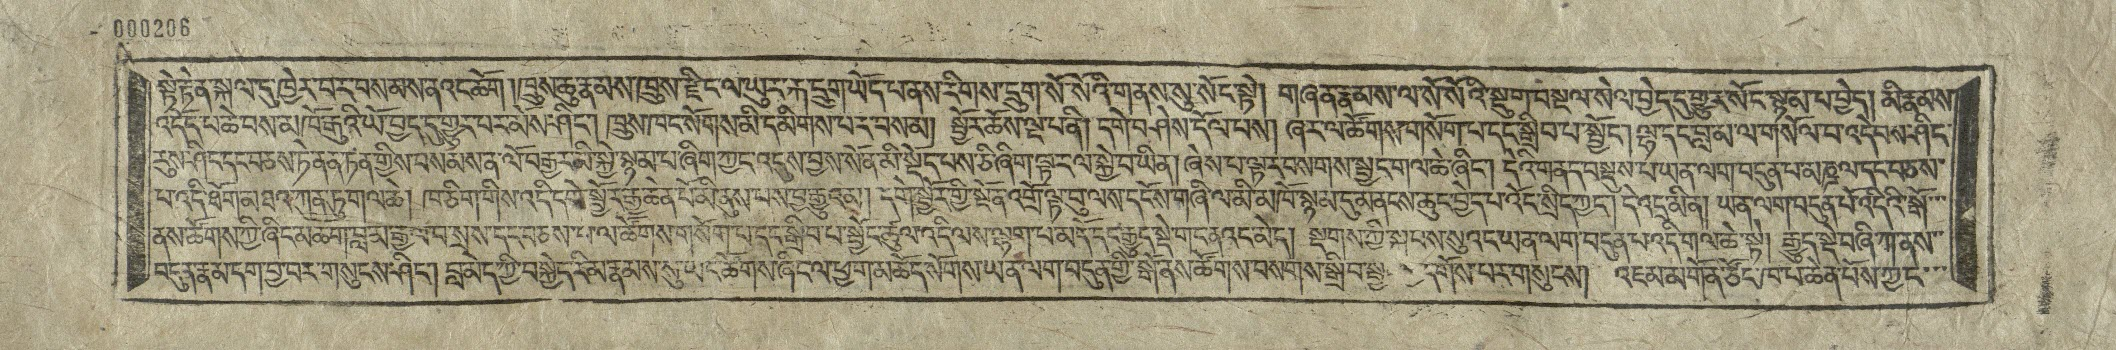སྟེ་རྟེན་སྐལ་དུ་ཁྱེར་བར་བསམས་ནའང་ཆོག །ཁྲུས་ཆུ་རྣམས་ཁྲུས་རྫིང་ལ་ཡུར་རྐ་དྲུག་ཡོད་པ་ནས་རིགས་དྲུག་སོ་སོའི་གནས་སུ་སོང་སྟེ། གཞན་རྣམས་ལ་སོ་སོའི་སྡུག་བསྔལ་སེལ་བྱེད་དུ་གྱུར་སོང་སྙམ་པ་བྱེད། མི་རྣམས་
འདོད་པ་ཆེ་བས་མཁོ་རྒུའི་ཡོ་བྱད་དུ་གྱུར་པར་མོས་ཤིང་། ཁྲུས་ཁང་སོགས་མི་དམིགས་པར་བསམ། སྦྱོར་ཆོས་ལྔ་པ་ནི། དགེ་བཤེས་དོལ་པས། ཞར་ལ་ཚོགས་གསོག་པ་དང་སྒྲིབ་པ་སྦྱོང་། ལྷ་དང་བླ་མ་ལ་གསོལ་བ་འདེབས་ཤིང་
རུས་ཤིང་དང་བཅས་ཏེ་ནན་ཏན་གྱིས་བསམས་ན་ལོ་བརྒྱར་མི་སྐྱེ་སྙམ་པ་ཞིག་ཀྱང་འདུས་བྱས་སོ་ན་མི་སྡོད་པས་ཅི་ཞིག་ལྟར་ལ་སྐྱེ་བ་ཡིན། ཞེས་པ་ལྟར་བསགས་སྦྱང་གལ་ཆེ་ཞིང་། དེའི་གནད་བསྡུས་པ་ཡན་ལག་བདུན་པ་མཎྜལ་དང་བཅས་
པ་འདི་ཐོག་མཐའ་ཀུན་ཏུ་གལ་ཆེ། ཁ་ཅིག་གིས་འདི་དགེ་སྦྱོར་རྒྱ་ཆེན་པོ་མི་ནུས་པས་བྱ་རྒྱུའམ། དགེ་སྦྱོར་གྱི་སྔོན་འགྲོ་ལྟ་བུ་ལས་དངོས་གཞི་ལ་མི་མཁོ་སྙམ་དུ་མནངས་ཆུང་བྱེད་པ་འོང་སྲིད་ཀྱང་། དེ་འདྲ་མིན། ཡན་ལག་བདུན་པོ་འདིའི་སྒོ་
ནས་ཚོགས་ཀྱི་ཞིང་མཆོག་བླ་མ་རྒྱལ་བ་སྲས་དང་བཅས་པ་ལ་ཚོགས་གསོག་པ་དང་སྒྲིབ་པ་སྦྱོང་ཚུལ་འདི་ལས་ལྷག་པ་མདོ་དང་རྒྱུད་སྡེ་གང་ནའང་མེད། སྔགས་ཀྱི་སྐབས་སུའང་ཡན་ལག་བདུན་པ་འདི་གལ་ཆེ་སྟེ། རྒྱུད་སྡེ་བཞི་ཀ་ནས་
བདུན་རྣམ་དག་བྱ་བར་གསུངས་ཤིང་། བླ་མེད་ཀྱི་བསྐྱེད་རིམ་རྣམས་སུ་ཡང་ཚོགས་ཞིང་ལ་ཕྱག་མཆོད་སོགས་ཡན་ལག་བདུན་གྱི་སྒོ་ནས་ཚོགས་བསགས་སྒྲིབ་སྦྱང་བྱ་དགོས་པར་གསུངས། འཇམ་མགོན་ཙོང་ཁ་པ་ཆེན་པོས་ཀྱང་